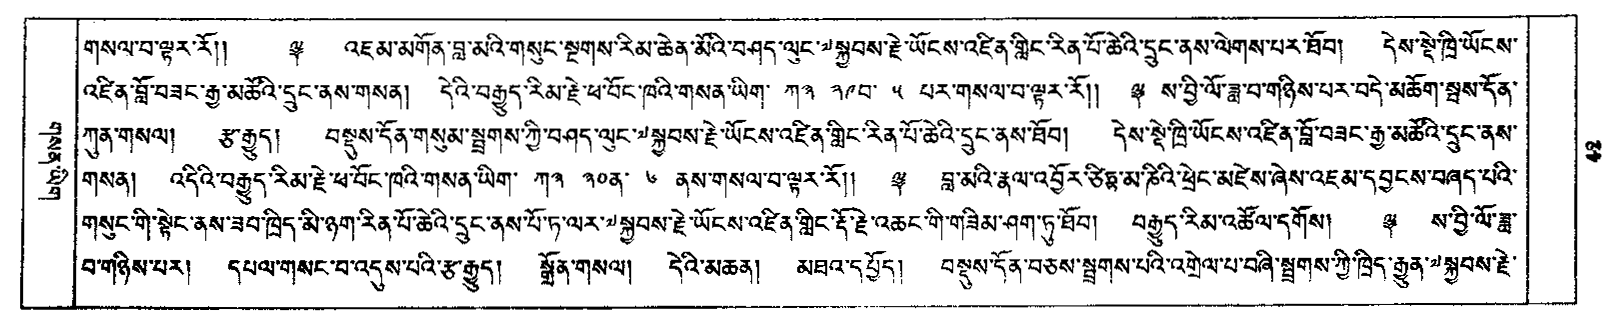གསལ་བ་ལྟར་རོ།། ༈ འཇམ་མགོན་བླ་མའི་གསུང་སྔགས་རིམ་ཆེན་མོའི་བཤད་ལུང་༧སྐྱབས་རྗེ་ཡོངས་འཛིན་གླིང་རིན་པོ་ཆེའི་དྲུང་ནས་ལེགས་པར་ཐོབ། དེས་སྡེ་ཁྲི་ཡོངས་
འཛིན་བློ་བཟང་རྒྱ་མཚོའི་དྲུང་ནས་གསན། དེའི་བརྒྱུད་རིམ་རྗེ་ཕ་བོང་ཁའི་གསན་ཡིག་ཀ ༣ ༢༩་བ ༥་པར་གསལ་བ་ལྟར་རོ།། ༈ ས་བྱི་ལོ་ཟླ་བ་གཉིས་པར་བདེ་མཆོག་སྦས་དོན་
ཀུན་གསལ། རྩ་རྒྱུད། བསྡུས་དོན་གསུམ་སྦྲགས་ཀྱི་བཤད་ལུང་༧་སྐྱབས་རྗེ་ཡོངས་འཛིན་གླིང་རིན་པོ་ཆེའི་དྲུང་ནས་ཐོབ། དེས་སྡེ་ཁྲི་ཡོངས་འཛིན་བློ་བཟང་རྒྱ་མཚོའི་དྲུང་ནས་
གསན། འདིའི་བརྒྱུད་རིམ་རྗེ་ཕ་བོང་ཁའི་གསན་ཡིག་ཀ ༣ ༣༠་ན ༦་ནས་གསལ་བ་ལྟར་རོ།། ༈ བླ་མའི་རྣལ་འབྱོར་ཙིཏྟ་མ་ཎིའི་ཕྲེང་མཛེས་ཞེས་འཇམ་དབྱངས་བཞད་པའི་
གསུང་གི་སྟེང་ནས་ཟབ་ཀྲིད་མི་ཉག་རིན་པ་ཆེའི་དྲུང་ནས་པོ་ཏ་ལར་༈ སྐྱབས་རྗེ་ཡོངས་འཛིན་གླིང་རྡོ་རྗེ་འཆང་གི་གཟིམས་ཤག་ཏུ་ཐོབ། བརྒྱུད་རིམ་འཚོལ་དགོས། ༈ ས་བྱི་ལོ་ཟླ་
བ་གཉིས་པར། དཔལ་གསང་བ་འདུས་པའི་རྩ་རྒྱུད། སྒྲོན་གསལ། དེའི་མཆན། མཐའ་དཔྱོད། བསྡུས་དོན་བཅས་སྦྲགས་པའི་འགྲེལ་པ་བཞི་སྦྲགས་ཀྱི་ཁྲིད་རྒྱུན་༧སྐྱབས་རྗེ་